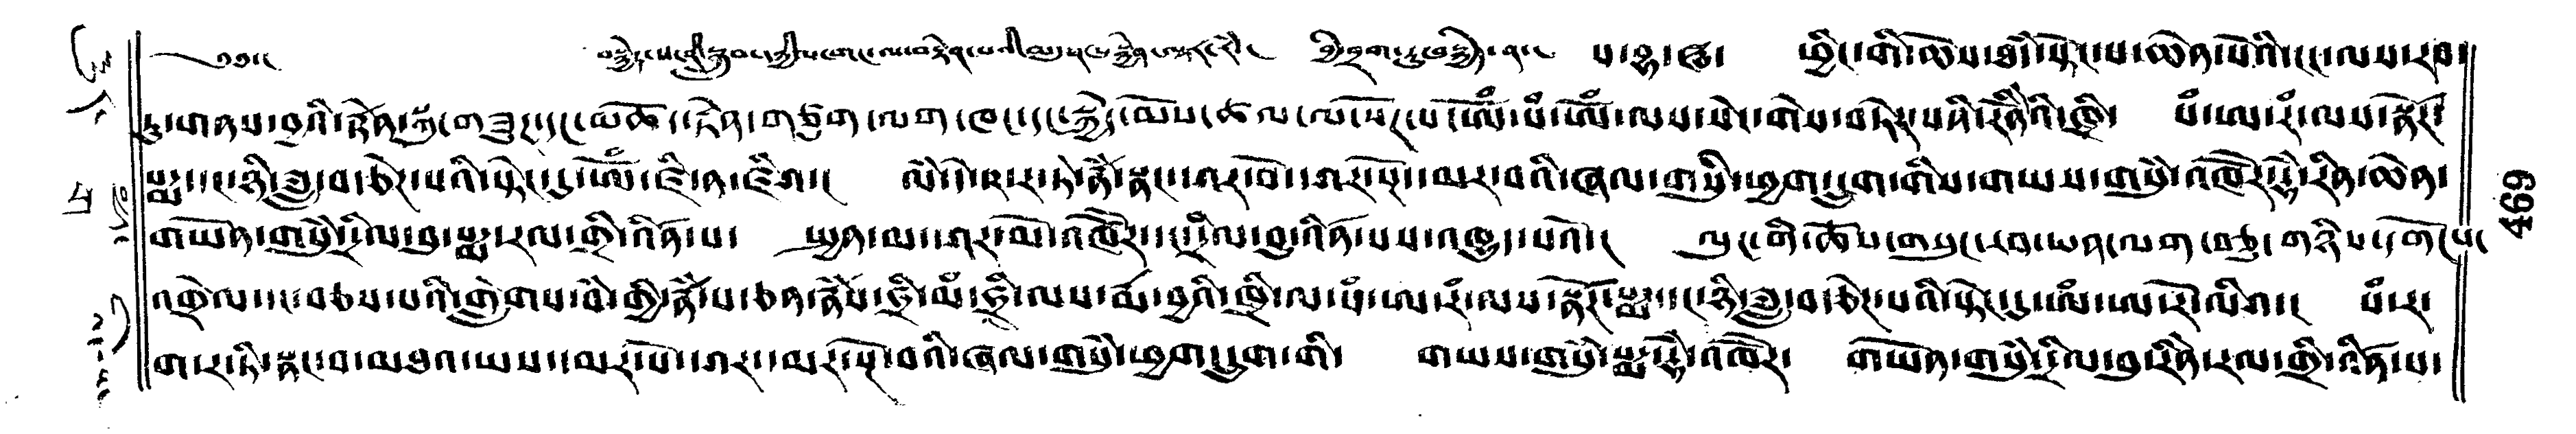བསྐྱེད་པ་ནི་སྒྲུབ་དཀྱིལ་གང་ལ་བརྟེན་པའི་མདུན་བསྐྱེད་ལྟར་རམ། བྱེ་བྲག་ཏུ་བསྐྱེད་ན། སྭ་བྷ་ཝ། ཕྱི་ནང་གི་ཆོས་ཐམས་ཅད་སྟོང་པ་ཆེན་པོའི་ངང་ལས་རབ་
ཏུ་གནས་བྱའི་རྟེན་སྐུ་གཟུགས་དང་མཆོད་རྟེན་གཙུག་ལག་ཁང་དང་སྐྱེད་མོས་ཚལ་ལ་སོགས་པ་ཨོཾ་པཾ་ཨོཾ་ལས་སེང་གེས་བཏེགས་པའི་རིན་པོ་ཆེའི་ཁྲི། པཾ་ཨ་རཾ་ལས་སྣ་ཚོགས་
པདྨ་དང་ཉི་ཟླ་བརྩེགས་པའི་སྟེང་དུ་ཨོཾ་ཛི་ན་ཛིཀ ལམ་དེ་ཤྭ་ར་ཏེ་རྣམ་སྣང་དཀར་བོ་དཀར་སྔོ་དམར་བའི་ཞལ་གསུམ་ཕྱག་དྲུག་གིས་གཡས་གསུམ་འཁོར་ལོ་རྡོ་རྗེ་རིན་ཆེན་
གཡོན་གསུམ་དྲིལ་བུ་པདྨ་རལ་གྲི་འཛིན་པ། སྤྱན་མ་དཀར་མོ་འཁོར་ལོ་དང་དྲིལ་བུ་འཛིན་པས་འཁྱུད་པའོ། ལུང་གི་ཆོས་གསུང་རབ་ཡན་ལག་བཅུ་གཉིས་དགོངས་
འགྲེལ་དང་བཅས་པའི་གླེགས་བམ་གྱི་རྣམ་པ་ཅན་རྣམས་ཧྲི་མཾ་ཧྲཱི་ལས་རྨ་བྱའི་ཁྲི་ལ་པཾ་ཨ་རཾ་ལས་སྣ་ཚོགས་པདྨ་དང་ཉི་ཟླ་བརྩེགས་པའི་སྟེང་དུ་ཨཾ་ཨ་རོ་ལིཀཔཾ་ར་
ག་ར་ཏི་སྣང་བ་མཐའ་ཡས་དམར་པོ་དཀར་དམར་སྔོ་བའི་ཞལ་གསུམ་ཕྱག་དྲུག་གི གཡས་གསུམ་པདྨ་རྡོ་རྗེ་འཁོར་ལོ། གཡོན་གསུམ་དྲིལ་བུ་རིན་ཆེན་རལ་གྲི་འཛིན་པ་